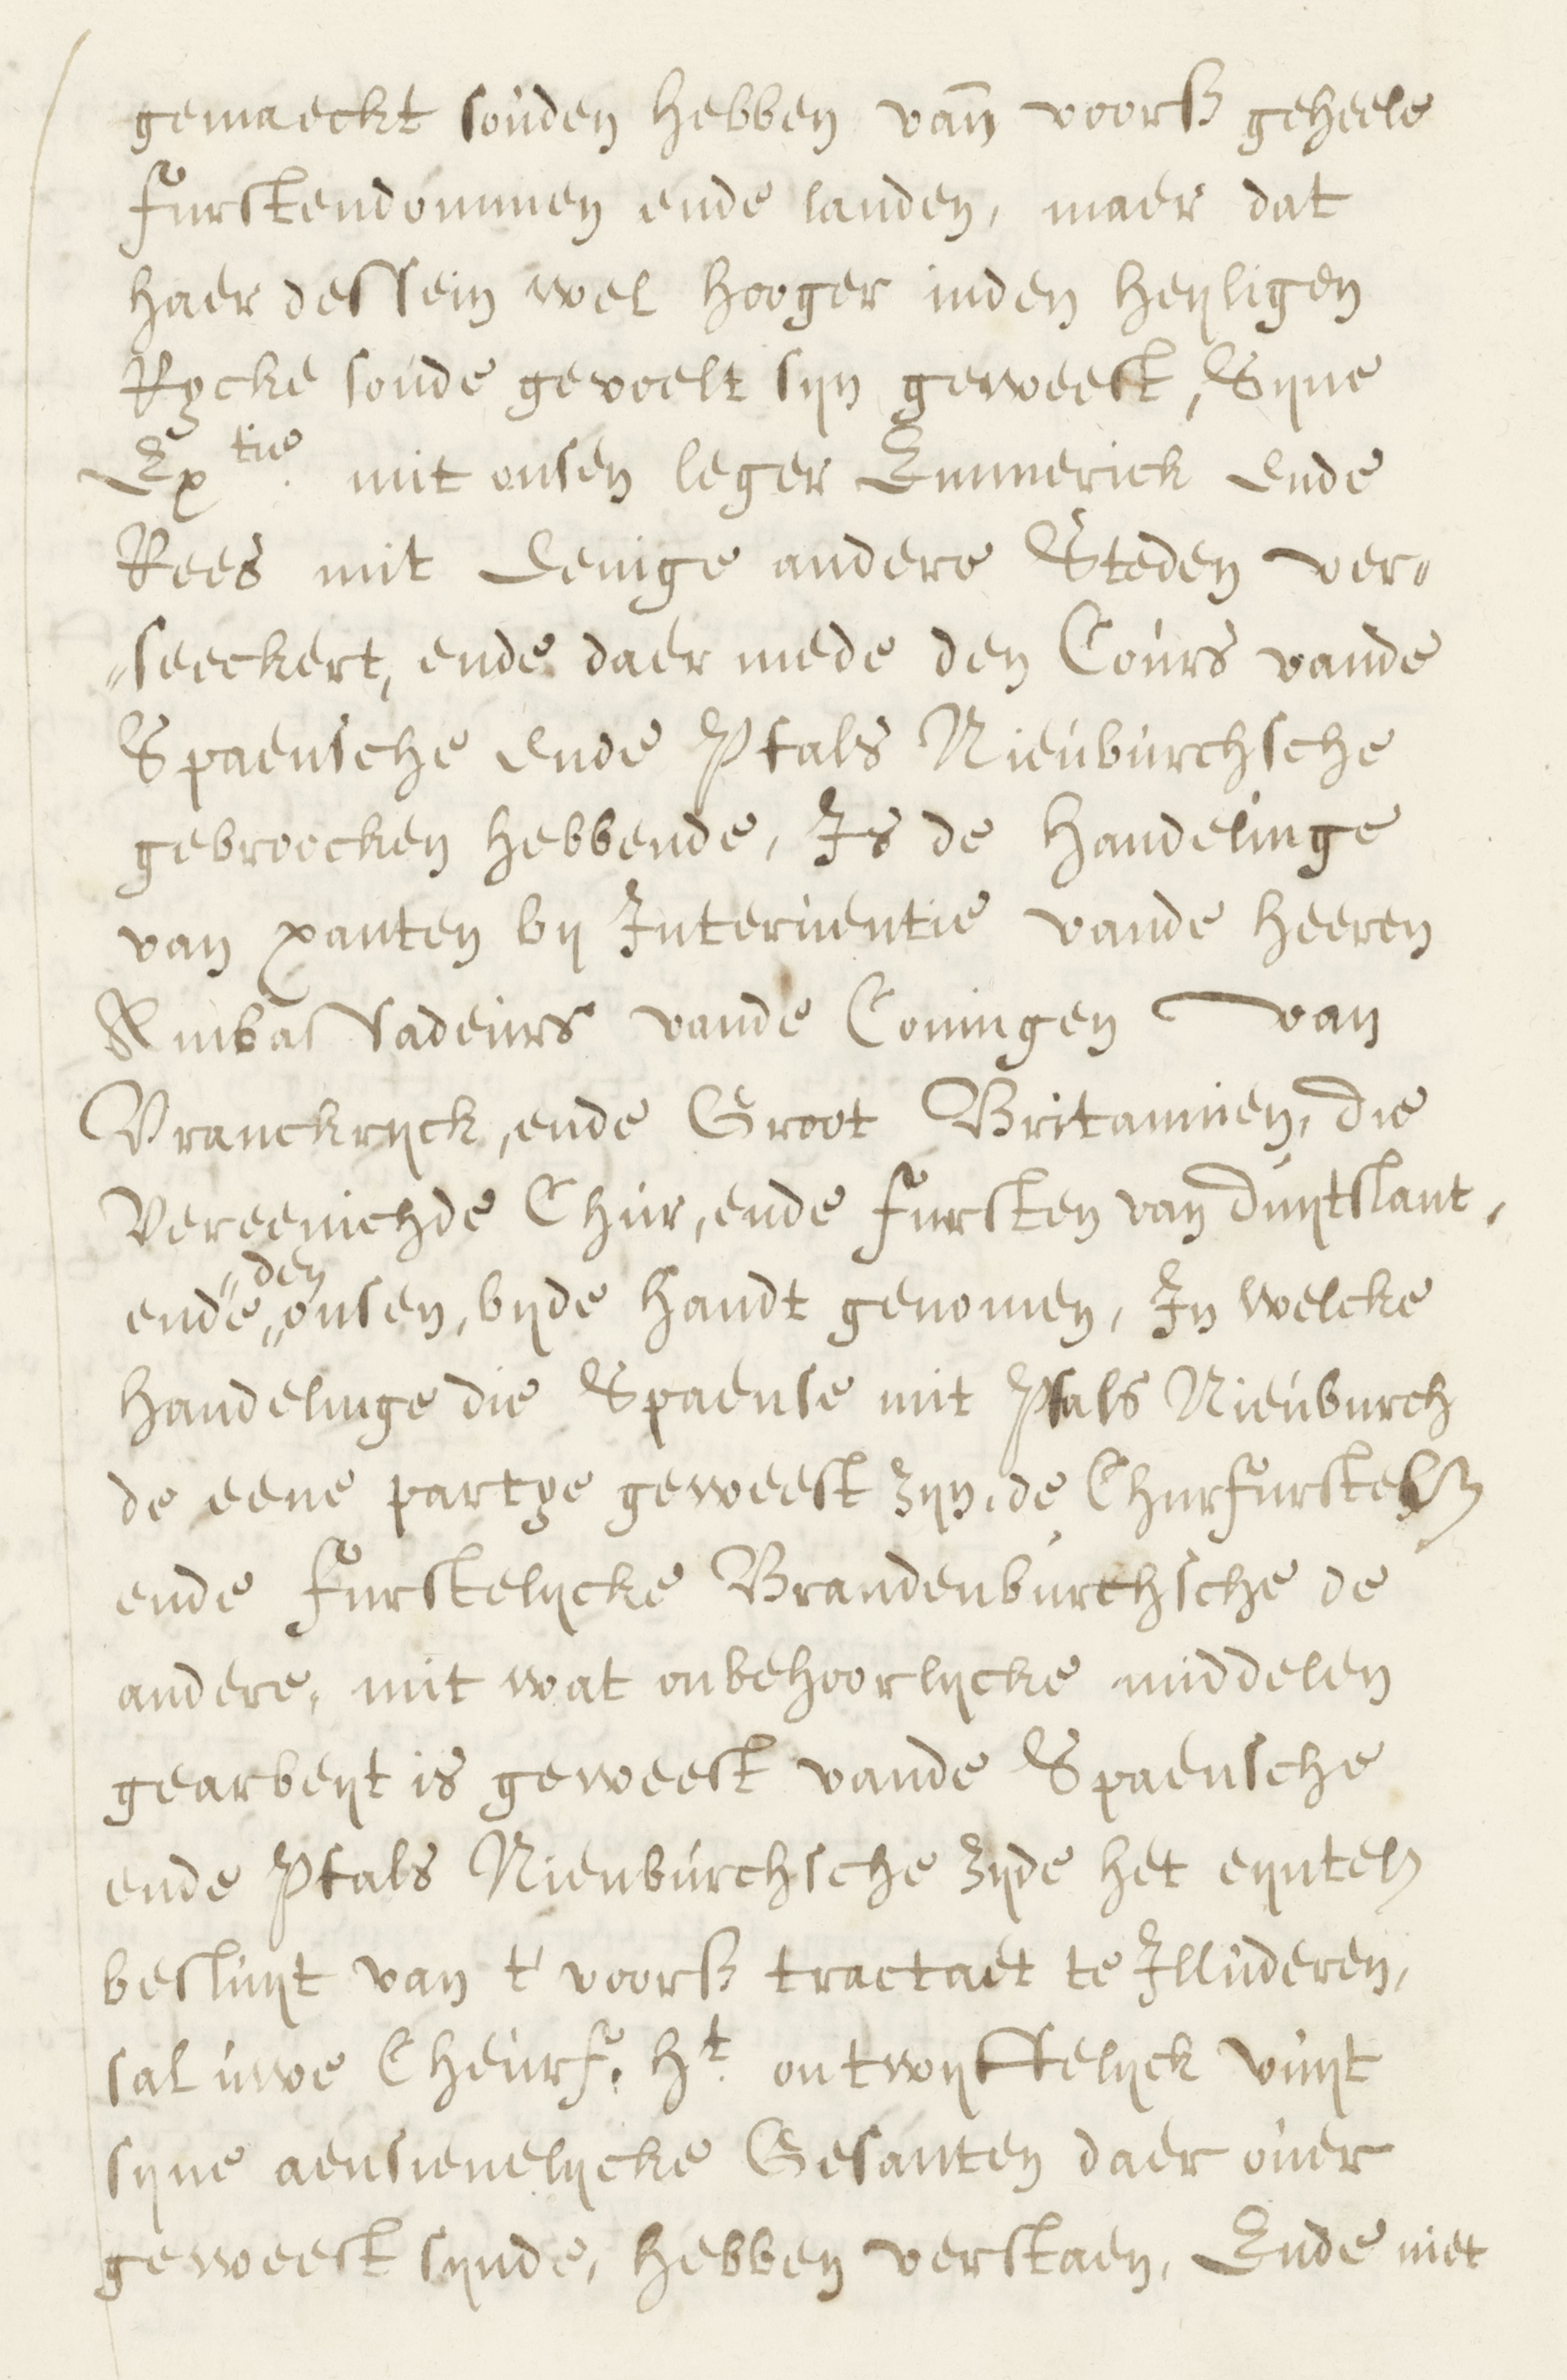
gemaeckt souden hebben van voors geheele
furstendommen ende landen, maer dat
haer dessein wel hooger inden heyligen
Rycke soude gevoelt sijn geweest, Syne
Extie. mit onsen leger Emmerick ende
Rees mit Eenige andere Steden ver„
,,seeckert, ende daer mede den Cours vande
Spaensche ende Pfals Nieuburchsche
gebroocken hebbende, Is de handelinge
van Xanten bij Interuentie vande heeren
Amabassadeurs vande Coningen van
Vranckryck, ende Groot Britannien, die
Vereenichde Chur, ende fursten van Duytslant,
,,den
ende ,, onsen, byde handt genomen, In welcke
handelinge die Spaense mit Pfals Nieuburch
de eene partye geweest zyn, de Churfurstel
ende furstelycke Brandenburchsche de
andere, mit wat onbehoorlycke middelen
gearbeyt is geweest vande Spaensche
ende Pfals Nieuburchsche zyde het eyntel
besluyt van 't voors tractaet te Illuderen
sal uwe Cheurf. Ht. ontwyffelyck vuyt
syne aensienelycke Gesanten daer ouer
geweest synde, hebben verstaen. Ende niet
